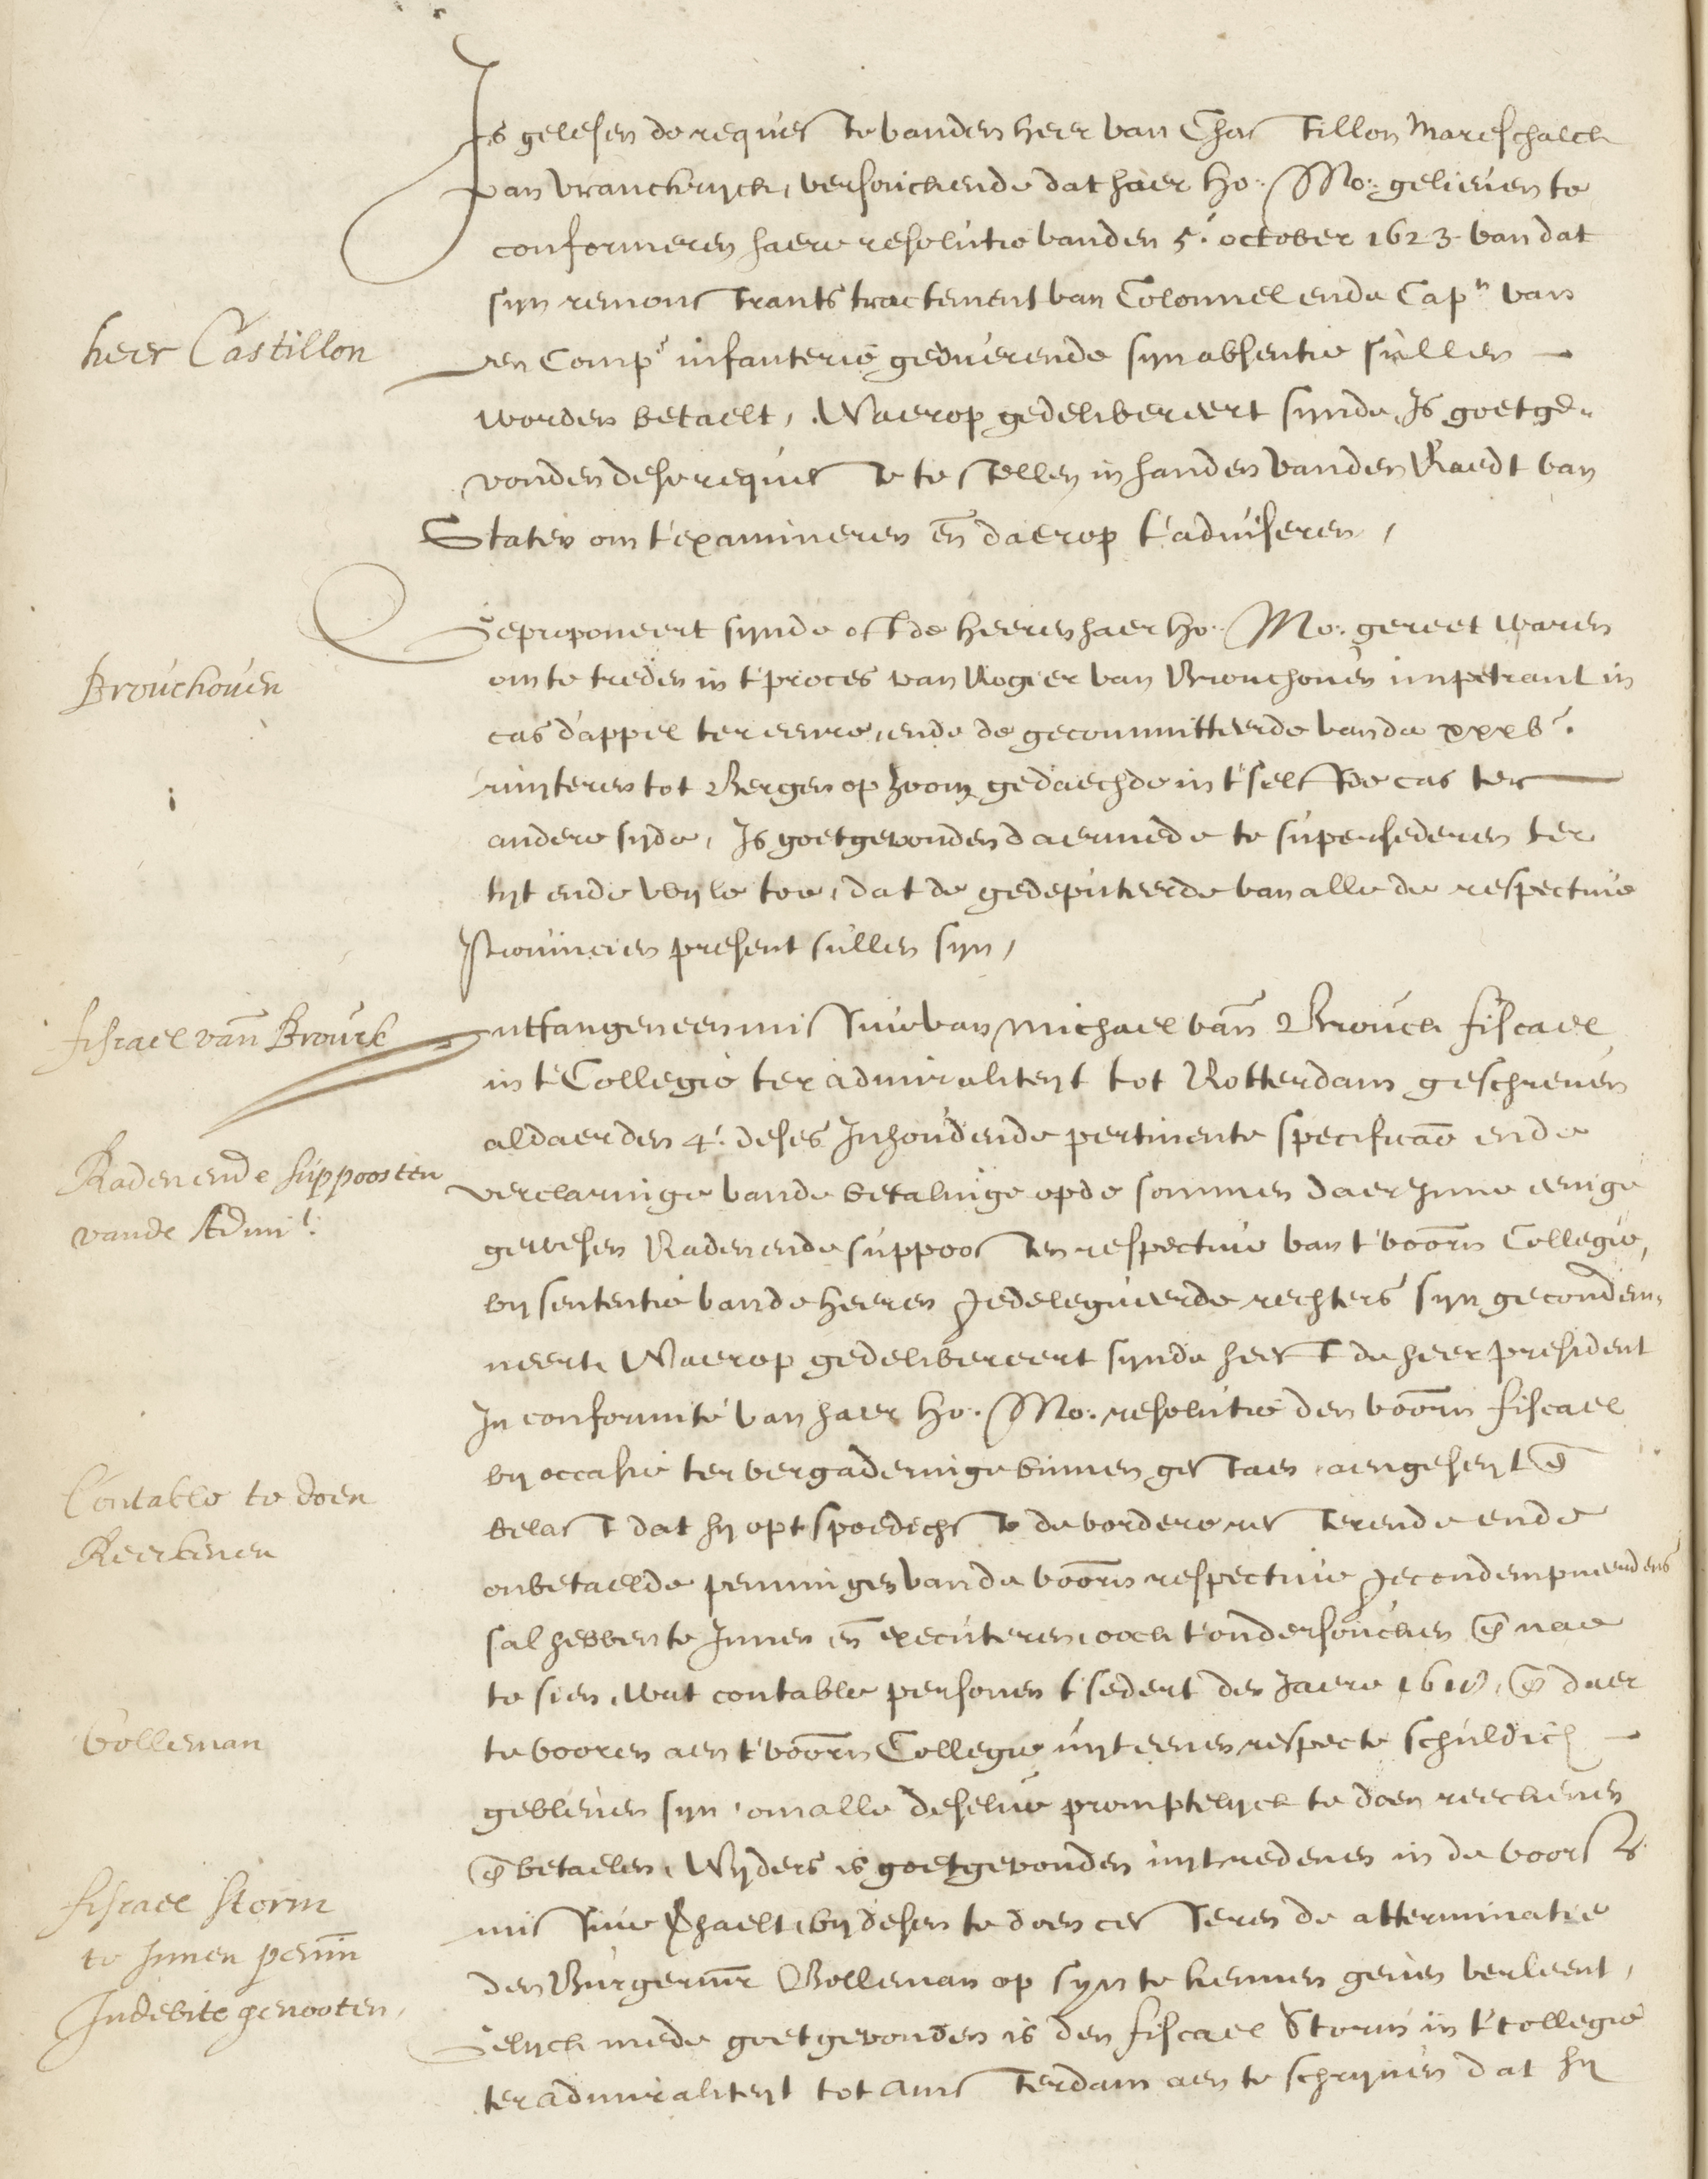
heer Castillon
Is gelesen de requeste vanden heer van Chastillon Mareschalck
van Vranckryck, versouckende dat haer Ho:Mo: gelieuen te
conformeren haere resolutie vanden 5e. october 1623 van dat
syn remonstrants tractement van Colonnel ende Capn. van
een Compe infanterie geduerende syn absentie sullen
worden betaelt. Waerop gedelibereert synde, Is goetge„
vonden dese requeste te stellen in handen vanden Raedt van
Staten om t'examineren en daerop t'aduiseren.
Brouchouen
Geproponeert synde off de heeren haer ho:Mo: gereet waren
om te treden in t'proces van Rogier van Brouchouen impetrant in
cas d‛appel ter eenre, ende de gecommitteerde vande xxxve.
ruyteren tot Bergen op Zoom gedaechde in t'selffde cas ter
andere syde, Is goetgevonden daermede te supersederen ter
tyt ende wyle toe, dat de gedeputeerde van alle de respectiue
Prouincien present sullen syn.
fiscael van Brouck
Raden ende suppoosten
vande Admit.
Contable te doen
Reeckenen
Bolleman
fiscael Storm
te Innen penin
Indebite genooten.
Ontfangen een missiue van Michael van Brouck fiscael
in t‛Collegie ter admiraliteyt tot Rotterdam geschreuen
aldaer den 4e. deses Inhoudende pertinente specificae ende
verclaringe vande betalinge opde sommen daer Inne eenige
gewesen Raden ende suppoosten respectiue van t'voorn Collegie,
by sententie vande heeren gedelegueerde rechters syn gecondem,,
neert. Waerop gedelibereert synde heeft de heer president
In conformité van haer Ho:Mo: resolutie den voorn fiscael
by occasie ter vergaderinge binnen gestaen, aengeseyt &
belast dat hy opt spoedichste de vordere resterende ende
onbetaelde penningen van de voorn respectiue gecondempneerdens
sal hebben te Innen en executeren, oock t‛ondersoucken & nae
te sien, wat contable personen t'sedert den Jaere 1618, & daer
te vooren aen t'voorn Collegie uyt eenen respecte schuldich
gebleven syn, om alle deselue promptelyck te doen reeckenen
& betaelen. Wyders is goetgevonden uyt redenen in de voors
missiue vhaelt, by desen te doen cesseren de atterminatie
den Burgermr Bolleman op syn te kennen geuen verleent,
Gelyck mede goetgevonden is den fiscael Storm in t‛collegie
ter admiraliteyt tot Amsterdam aen te schryuen dat hy
